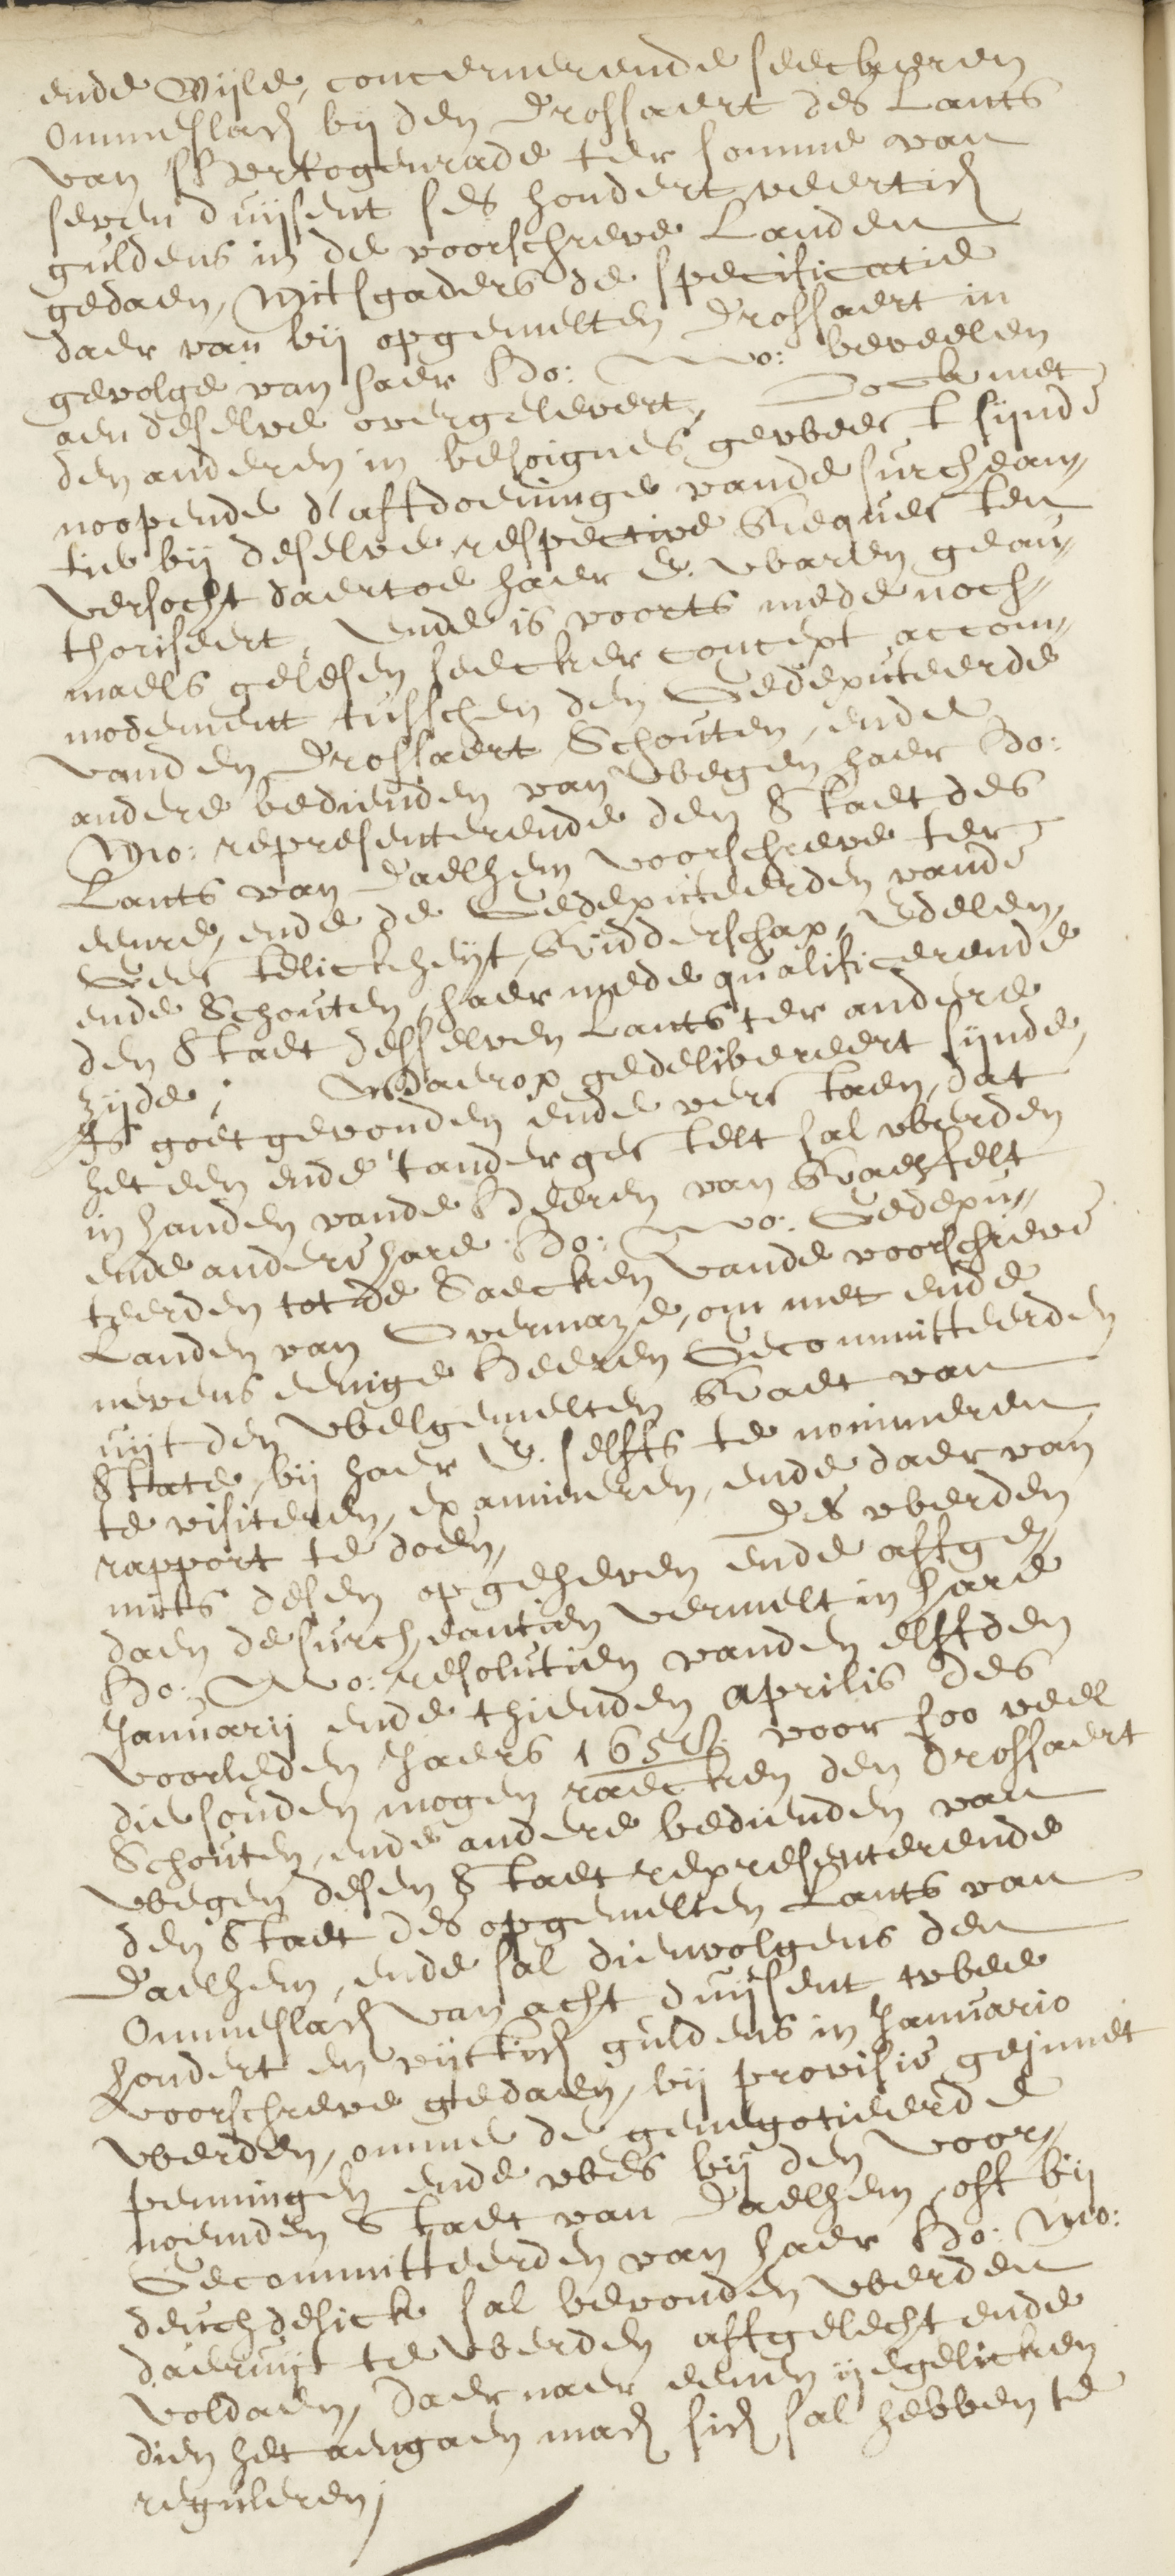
ende wijle, concernerende seeckeren
ommeslach bij den drossaert des Lants
van 's Hertogenrade ter somme van
seven duijsent ses hondert veertich
guldens in de voorschreve Landen
gedaen, mitsgaders de specificatie
daer van bij opgemelten drossaert in
gevolge van haer ho:Mo: beveelen
aen deselve overgelevert. Oock met
den anderen in besoignes geweest sijnde
noopende d'affdoeninge vande surchean,,
tie bij deselve respective Requesten
versocht daertoe haer E. waren geau,,
thoriseert ende is voorts mede noch„
maels gelesen seecker concept accom,,
modement tusschen den Gedeputeerde
vanden Drossaert Schouten, ende
andere bedienden van wegen haer ho:
Mo: representerende den Staet des
Lants van Daelhem voorschreve ter
eenre, ende de Gedeputeerden vande
Geestelickheijt, Ridderschap, Edelen,
ende Schouten, haer mede qualificerende
den Staet desselven Lants ter andere
zijde: Waerop gedelibereert sijnde,
is goetgevonden ende verstaen, dat
het een ende 't ander gestelt sal werden
in handen vande Heeren van Raesfelt
ende andere hare ho:Mo: Gedepu„
teerden tot de Saecken vande voorschreve
Landen van Overmaze, om met ende
nevens eenige Heeren Gecommitteerden
uijt den welgemelten Raet van
State, bij haer E. selffs te nomineren
te visiteren, examieneren, ende daervan
rapport te doen. Des werden
mits desen opgeheven ende affge,,
daen de surcheantien vermelt in hare
ho:Mo: resolutien vanden elffden
Januarij ende thienden aprilis des
voorleden jaers 1658 voor soo veel
die souden mogen raecken den drossaert
Schouten, ende andere bedienden van
wegen desen Staet representerende
den Staet des opgemelten Lants van
Daelhem, ende sal dienvolgens den
Ommeslach van acht duijsent twee
hondert en vijftich guldens in Januario
voorschreve gedaen, bij provisie geinnet
werden, omme de genegotieerde
penningen ende wes bij den voor„
noemden Staet van Daelhem, off bij
Gecommitteerden van haer ho:Mo:
deuchdelick sal bevonden werden
daeruijt te werden, affgelecht ende
voldaen, daer naer eenen ijegelicken
dien het aengaen mach sich sal hebben te
reguleren.
